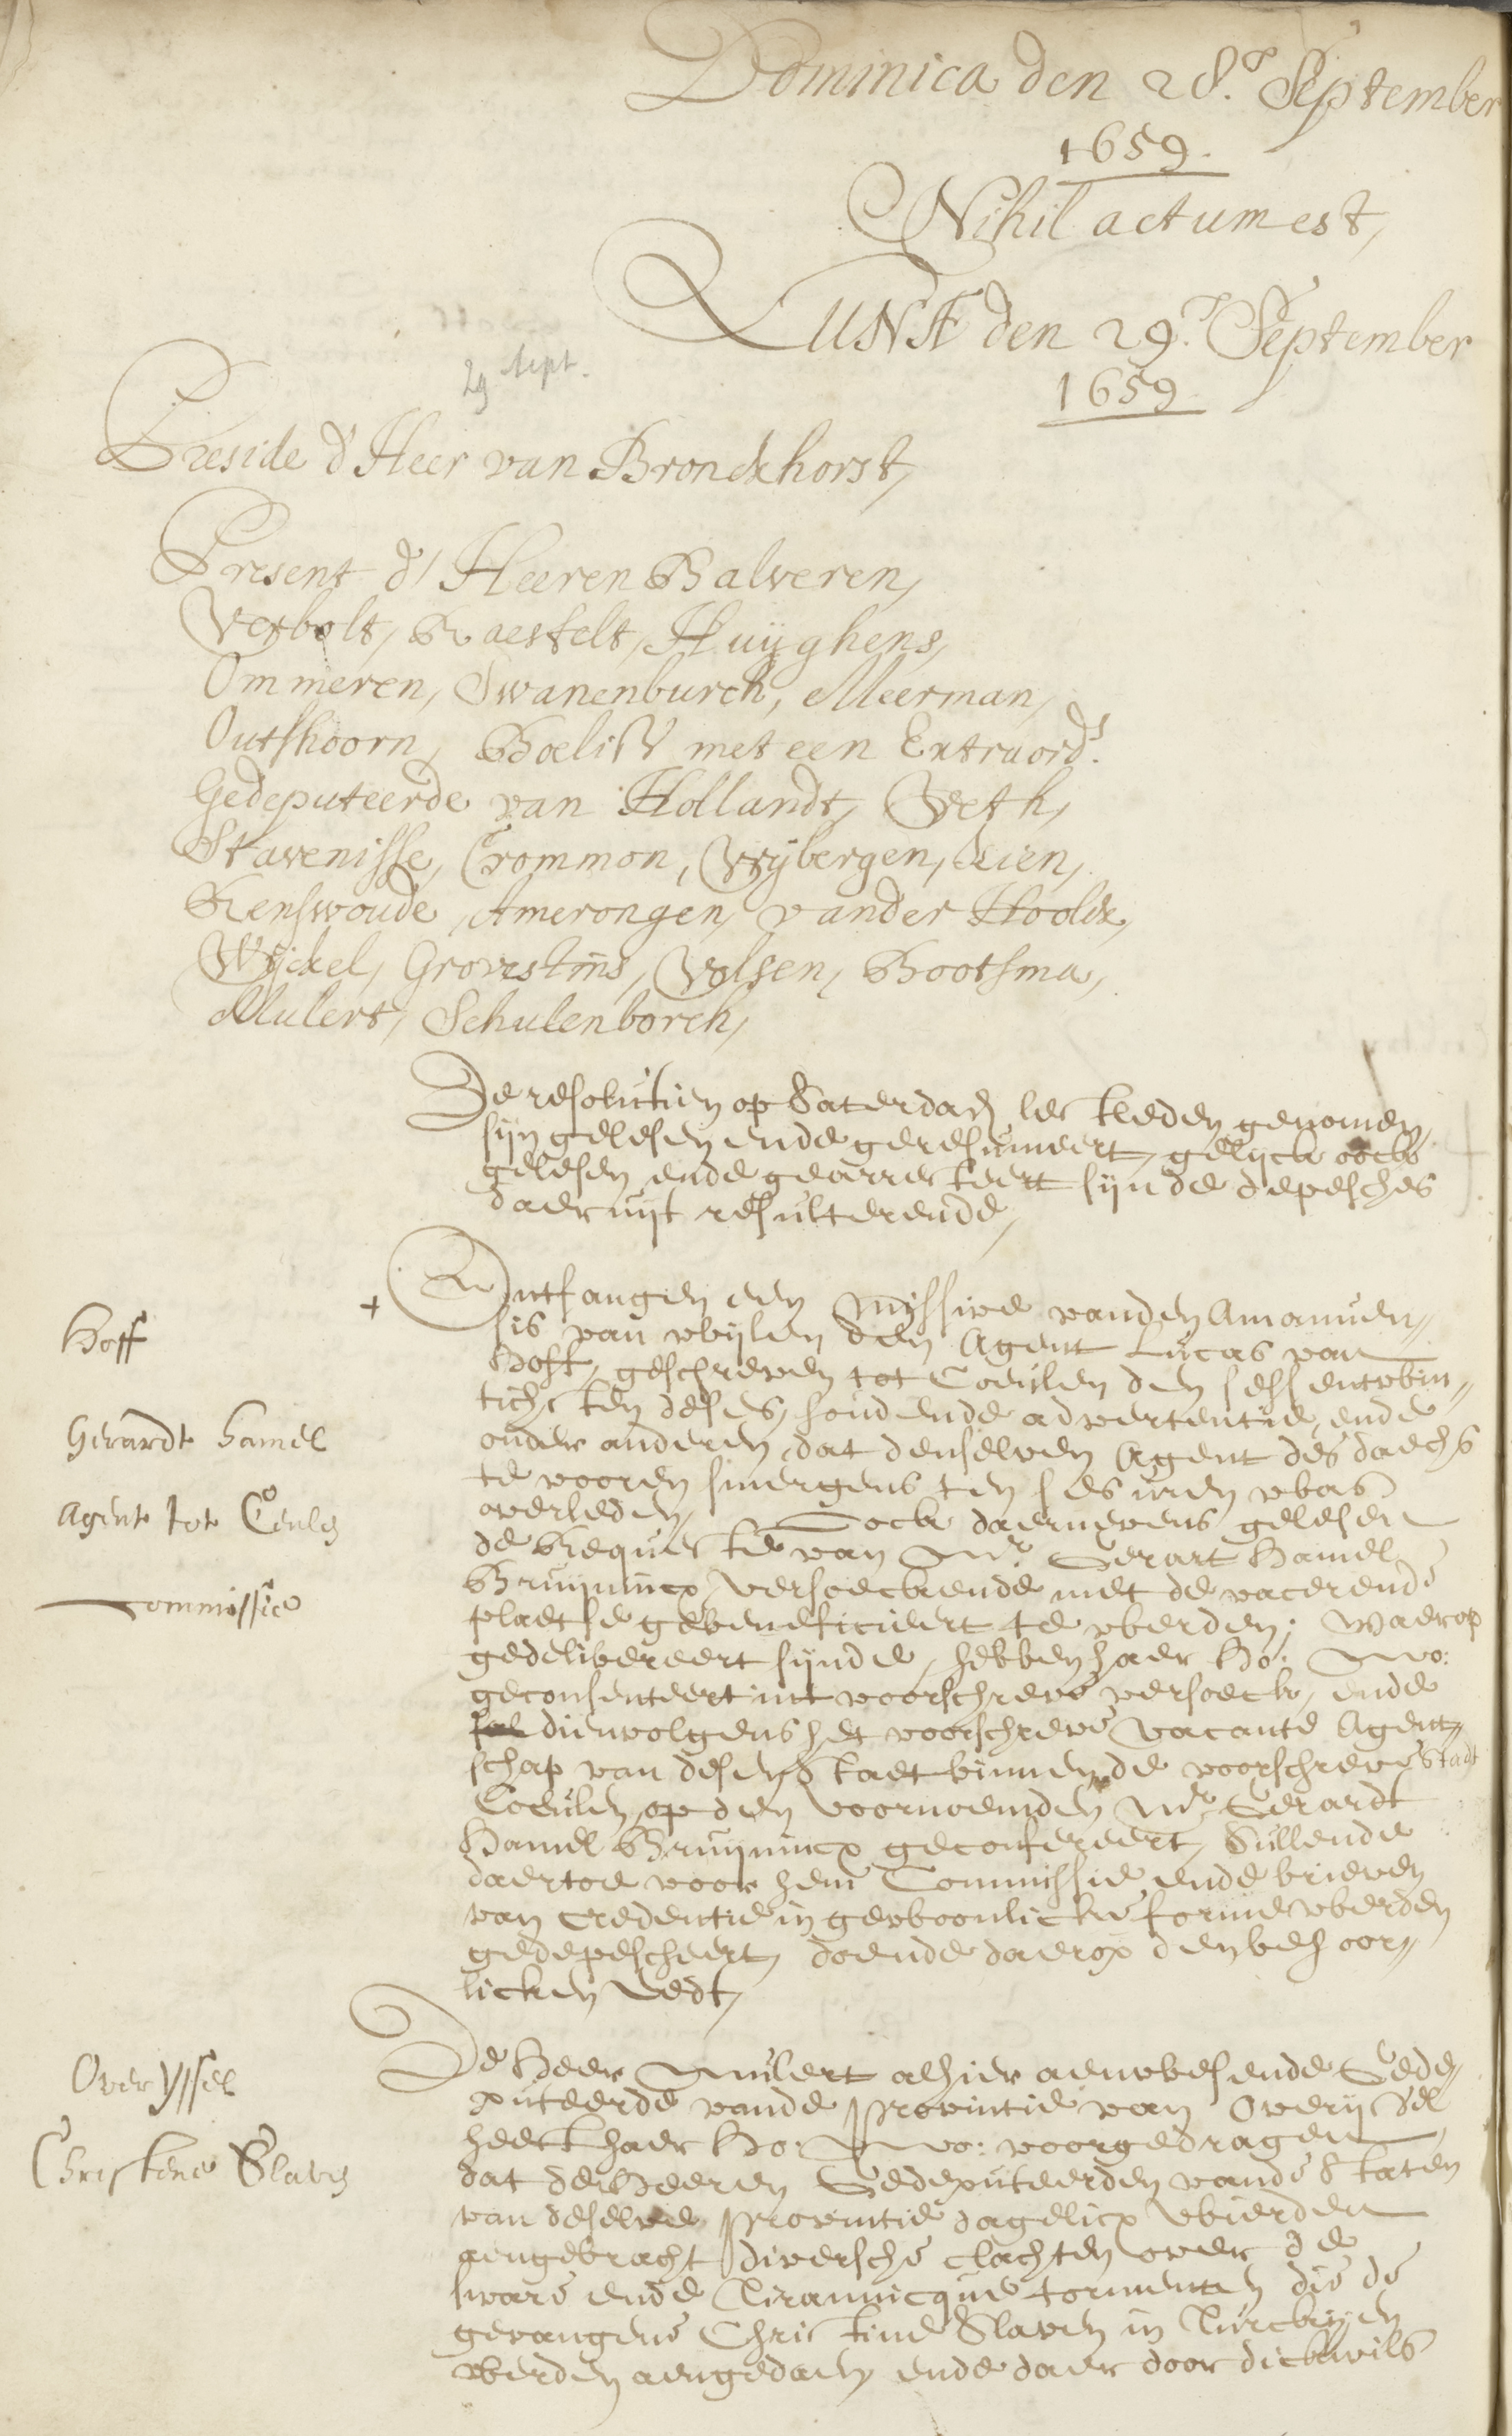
Dominica den 28en. September
1659.
Nihil actum est
29 sept.
Lunæ den 29en. September
1659.
Preside d'Heer van Bronckhorst,
Present d'Heeren Balveren,
Verbolt, Raesfelt, Huijghens,
Ommeren, Swanenburch, Meerman,
Outshoorn, Boelis met een Extraords.
Gedeputeerde van Hollandt, Veth,
Stavenisse, Crommon, Vrijbergen, Kien,
Renswoude, Amerongen, vander Hoolck,
Wijckel, Grovestins, Velsen, Bootsma,
Mulert, Schulenborch,
De resolutien op Saterdach lestleden genomen,
sijn gelesen ende geresumeert, gelijck oock
gelesen ende gearresteert sijn de depesches
daeruijt resulterende.
Hoff
Gerardt Hamel
Agent tot Ceulen
commissie
Ontfangen een missive vanden Amanuen„
sis van wijlen den Agent Lucas van
Hoff, geschreven tot Coeulen den sessentwin„
tichsten deses, houdende advertentie ende
onder anderen, dat denselven Agent des daechs
te vooren smergens ten ses uren was
overleden. Oock daernevens gelesen
de Requeste van Mr. Gerart Hamel
Bruijnincx versoeckende met de vacerende
plaetse gebeneficieert te werden; Waerop
gedelibereert sijnde, hebben haer Ho:Mo:
geconsenteert int voorschreve versoeck, ende
sal dienvolgens het voorschreve vacante Agent„
schap van desen Staet binnen de voorschreve Stadt
Coeulen op den voornoemden Mr. Gerardt
Hamel Bruynincx geconfereert, Sullende
daertoe voor hem Commissie ende brieven
van credentie in gewoonlicke forme werden
gedepescheert, doende daerop den behoor„
licken Eedt.
Over Yssel
Christene Slaven
De Heer Mulert alhier aenwesende Gede„
puteerde vande provintie van Overijssel
heeft haer Ho:Mo: voorgedragen,
dat de Heeren Gedeputeerden vande Staten
van deselve provintie dagelicx wierden
aengebracht diversche clachten over de
sware ende Tirannicque tormenten die de
gevangene Christine Slaven in Turckijen
werden aengedaen, ende daer door dickwils
